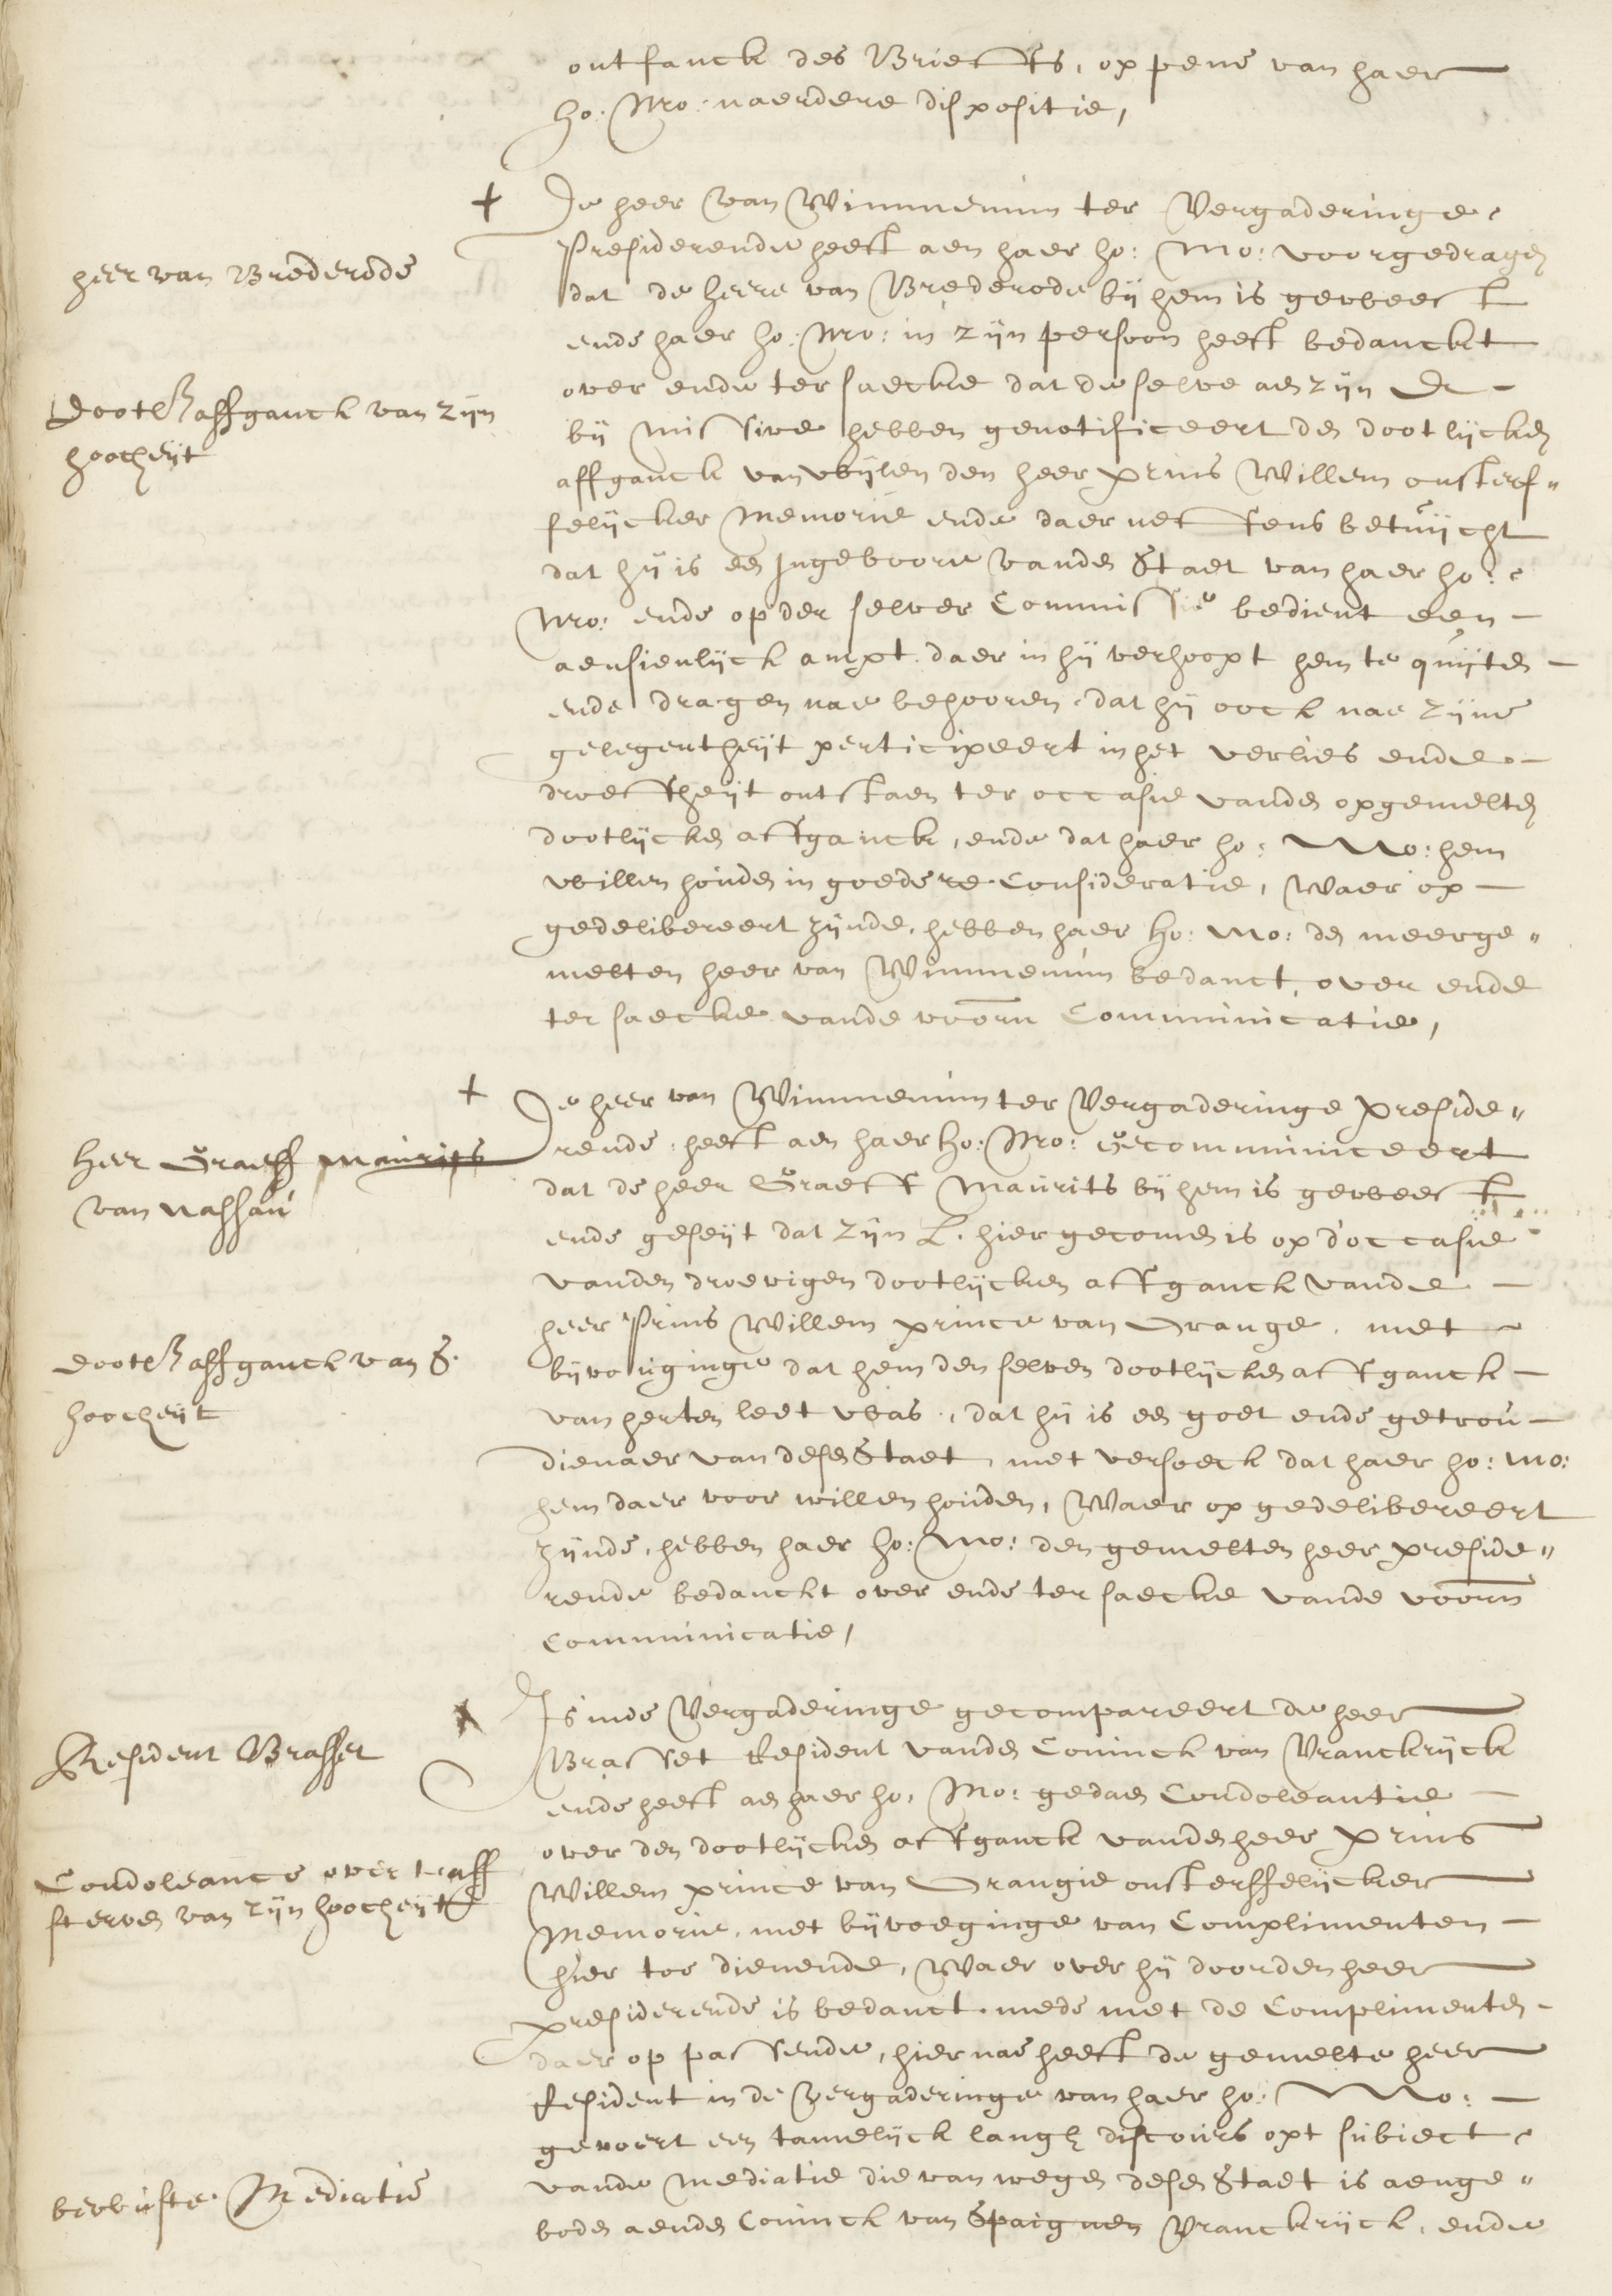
ontfanck des Brieffs, op pene van haer
Ho:Mo: naerdere dispositie.
heer van Brederode
Dootl affganck van zijn
hoocheijt
De heer van Wimmenum ter Vergaderinge,
Presiderende heeft aen haer ho:Mo: voorgedragen
dat de heere van Brederode bij hem is geweest
ende haer ho:Mo: in zijn persoon heeft bedanckt
over ende ter saecke dat de selve aen zijn E
bij missive hebben genotificeert den dootlijcken
affganck van wijlen den heer Prins Willem onsterf„
felijcker memorie ende daer neffens betuijcht
dat hij is een ingeboore vanden Staet van haer ho:
Mo: ende op der selver Commissie bedient een -
aensienlijck ampt daer in hij verhoopt hem te quijten
ende dragen nae behooren, dat hij oock nae zijne
gelegentheijt perticipeert in het verlies ende
droeffheijt ontstaen ter occasie vanden opgemelten
dootlijcken affganck, ende dat haer ho:Mo: hem
willen houden in goede re consideratie. Waer op
gedelibereert zijnde, hebben haer Ho:Mo: den meerge„
melten heer van Wimmenum bedanct over ende
ter saecke vande voorn Communicatie,
heer Graeff maurits
van Nassau
Dootl affganck van S.
hoocheijt
De heer van Wimmenum ter Vergaderinge Preside„
rende heeft aen haer Ho:Mo: Gecommuniceert
dat de heer Graeff Maurits bij hem is geweest
ende geseijt dat zijn L. hier gecomen is op d‛occasie
vanden droevigen dootlijcken affganck vande
heer Prins Willem prince van Orange, met
bijvouginge dat hem den selven dootlijcken affganck —
van herten leet was, dat hij is een goet ende getrou—
dienaer van desen Staet, met versoeck dat haer ho:mo:
hem daer voor willen houden. Waer op gedelibereert
zijnde, hebben haer Ho:Mo: den gemelten heer preside„
rende bedanckt over ende ter saecke vande voorn
Communicatie
Resident Brasset
Condoleance over t‛aff
sterven van zijn hoocheijt
bewuste Mediatie
Is inde Vergaderinge gecompareert de heer
Brasset Resident vanden Coninck van Vranckrijck
ende heeft aen haer ho:Mo: gedaen Condoleantie
over den dootlijcken affganck vanden heer Prins
Willem prince van Orangie onsterffelijcker
Memorie, met bijvoeginge van Complimenten
hier toe dienende. Waer over hij door den heer
presiderende is bedanct mede met de Complimenten
daer op passende, hier nae heeft de gemelte heer
Resident in de Vergaderinge van haer ho:Mo:
gevoert een tamelijck langh discours opt subiect
vande mediatie die van wegen desen Staet is aenge„
boden aenden Coninck van Spaignen Vranckrijck, ende
